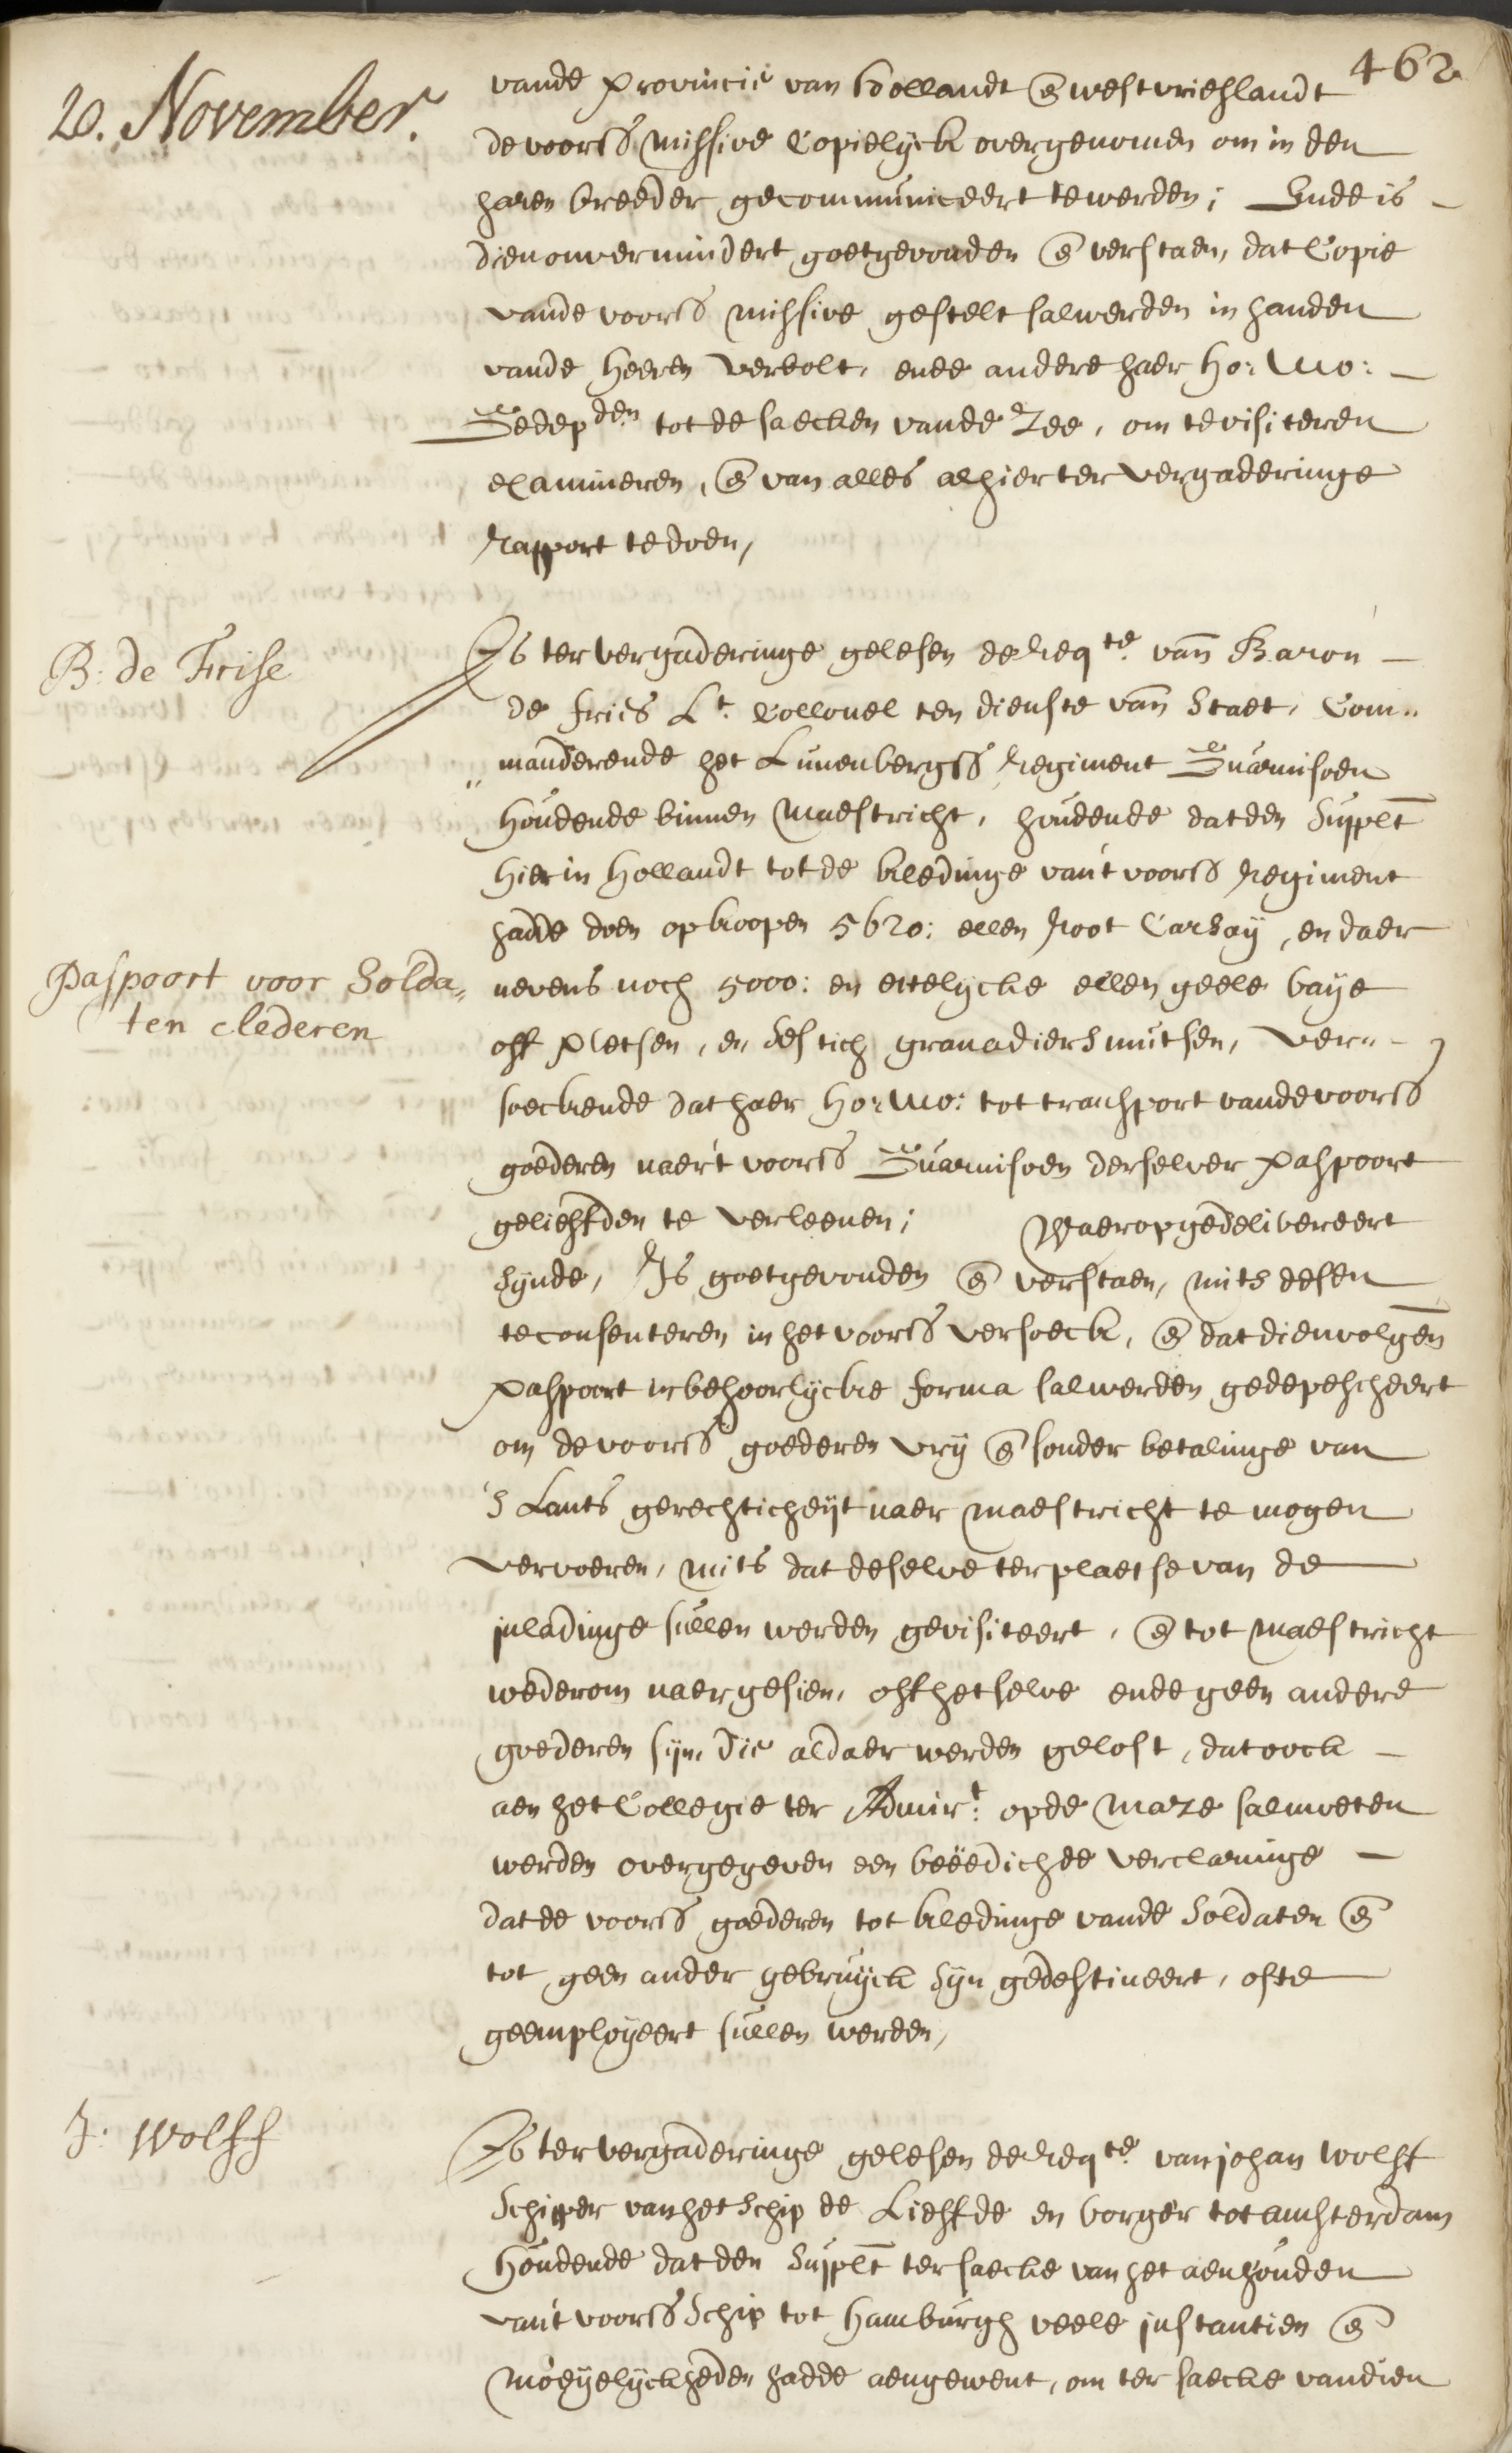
462
20. November.
vande provincie van hollandt en westvrieslandt
de voors missive copielijck overgenomen om in den
haren breeder gecommuniceert te werden: Ende is
dien onvermindert goetgevonden en verstaen, dat Copie
vande voors missive gestelt sal werden in handen
vande heeren verbolt, ende andere haer Ho:Mo:
Gedepden. tot de saecken vande Zee, om te visiteren
examineren, en van alles alhier ter vergaderinge
rapport te doen.
B: de Frise
Paspoort voor Solda„
ten clederen
Is ter vergaderinge gelesen de reqte. van Baron
de Fries Lt. Collonel ten dienste van Stadt, Com„
„manderende het Lunenbergs regiment Guarnisoen
houdende binnen maestricht, houdende dat den Supplt
hier in hollandt tot de kledinge van‛t voors regiment
hadde doen opkoopen 5620: ellen root Carsaij, en daer
nevens noch 5000: en ettelijcke ellen geele baije
off pletsen, en sestich granadiersmutsen, ver„
soeckende dat haer Ho:Mo: tot transport vande voors
goederen naer‛t voors Guarnisoen derselver paspoort
gelieffden te verleenen; Waerop gedelibereert
sijnde, Is goetgevonden en verstaen, mits desen
te consenteren in het voors versoeck, en dat dienvolgen
paspoort in behoorlijcke forma sal werden gedepescheert
om de voors goederen vrij en sonder betalinge van
‛s Lants gerechticheijt naer maestricht te mogen
vervoeren, mits dat deselve ter plaetse van de
inladinge sullen werden gevisiteert, en tot maestricht
wederom naergesien, off hetselve ende geen andere
goederen sijn, die aldaer werden gelost, dat oock
aen het Collegie ter Admirt: opde Maze sal moeten
werden overgegeven een beëedichde verclaringe
dat de voors goederen tot kledinge vande Soldaten en
tot geen ander gebruijck sijn gedestineert, ofte
geemploijeert sullen werden.
J: Wolff
Is ter vergaderinge gelesen de reqte. van johan wolff
Schipper van het schip de Lieffde en borger tot amsterdam
houdende dat den Supplt. ter saecke van het aenhouden
van‛t voors Schip tot hamburgh veele instantien en
moeijelijckheden hadde aengewent, om ter saecke vandien
